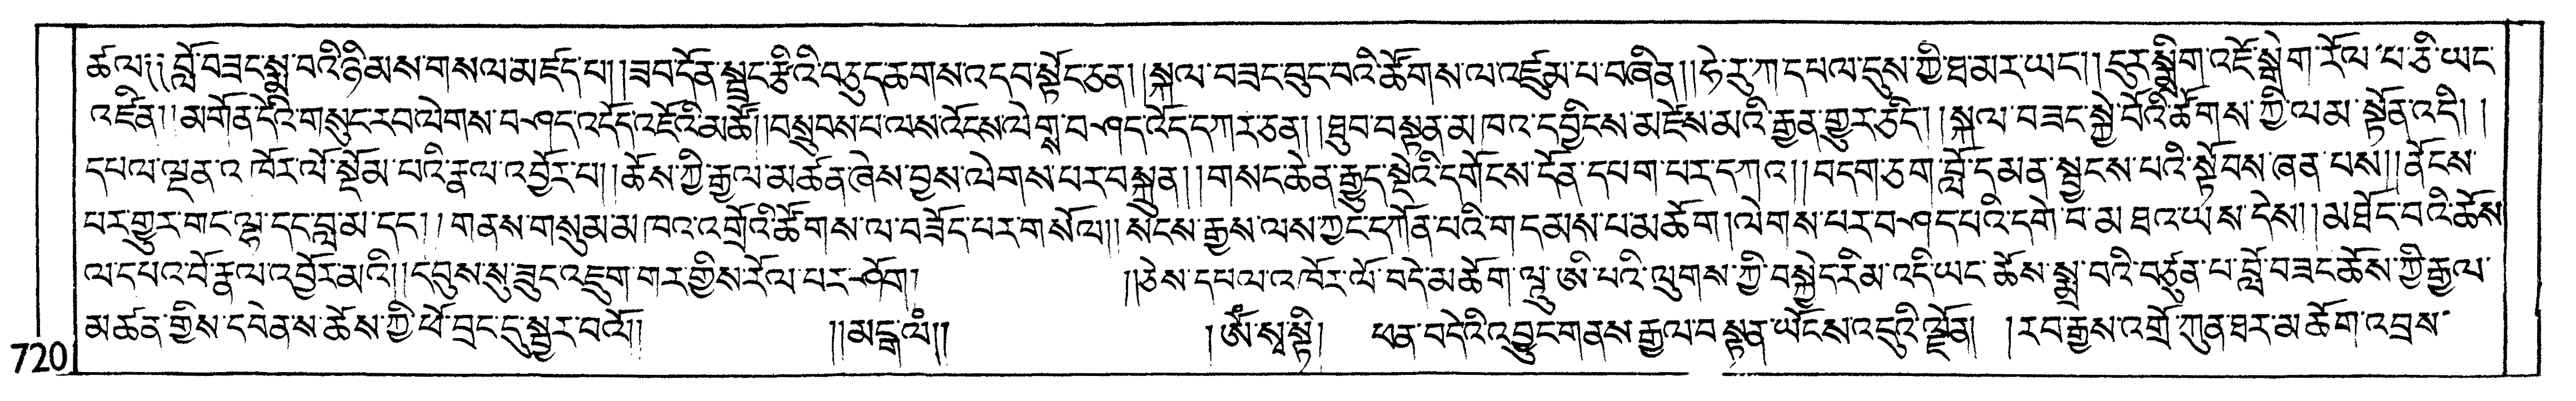ཚལ༑ ༑བློ་བཟང་སྨྲ་བའི་ཉི་མས་གསལ་མཛད་པ། །ཟབ་དོན་སྦྲང་རྩིའི་བཅུད་ཆགས་འདབ་སྟོང་ཅན། །སྐལ་བཟང་བུང་བའི་ཚོགས་ལ་འཛུམ་པ་བཞིན། །ཧེ་རུ་ཀ་དཔལ་དུས་ཀྱི་ཐ་མར་ཡང་། །ངུར་སྨྲིག་འཇོ་སྒྲེག་རོལ་པ་ཅི་ཡང་
འཛིན། །མགོན་དེའི་གསུང་རབ་ལེགས་བཤད་འདོད་འཇོའི་མཚོ། །བསྲུབས་པ་ལས་འོངས་ལེགས་བཤད་འོད་དཀར་ཅན། །ཐུབ་བསྟན་མཁའ་དབྱིངས་མཛེས་མའི་རྒྱན་གྱུར་ཅིང་། །སྐལ་བཟང་སྐྱེ་བོའི་ཚོགས་ཀྱི་ལམ་སྟོན་འདི། །
དཔལ་ལྡན་འཁོར་ལོ་སྡོམ་པའི་རྣལ་འབྱོར་པ། །ཆོས་ཀྱི་རྒྱལ་མཚན་ཞེས་བྱས་ལེགས་པར་བསྐྲུན། །གསང་ཆེན་རྒྱུད་སྡེའི་དགོངས་དོན་དཔག་པར་དཀའ། །བདག་ཅག་བློ་དམན་སྦྱངས་པའི་སྟོབས་ཞན་པས། །ནོངས་
པར་གྱུར་གང་ལྷ་དང་བླ་མ་དང་། །གནས་གསུམ་མཁའ་འགྲོའི་ཚོགས་ལ་བཟོད་པར་གསོལ། །སངས་རྒྱས་ལས་ཀྱང་དཀོན་པའི་གདམས་པ་མཆོག །ལེགས་པར་བཤད་པའི་དགེ་བ་མཐའ་ཡས་དེས། །མཐོང་བའི་ཆོས་
ལ་དཔའ་བོ་རྣལ་འབྱོར་མའི། །དབུས་སུ་ཟུང་འཇུག་གར་གྱིས་རོལ་པར་ཤོག ། །།ཅེས་དཔལ་འཁོར་ལོ་བདེ་མཆོག་ལཱུ་ཨི་པའི་ལུགས་ཀྱི་བསྐྱེད་རིམ་འདི་ཡང་ཆོས་སྨྲ་བའི་བཙུན་པ་བློ་བཟང་ཆོས་ཀྱི་རྒྱལ་
མཚན་གྱིས་དབེན་ས་ཆོས་ཀྱི་ཕོ་བྲང་དུ་སྦྱར་བའོ།། །།མངྒ་ལཾ།། །ཨོཾ་སྭ་སྟི། ཕན་བདེའི་འབྱུང་གནས་རྒྱལ་བསྟན་ཡོངས་འདུའི་ལྗོན། །རབ་རྒྱས་འགྲོ་ཀུན་ཐར་མཆོག་འབྲས་